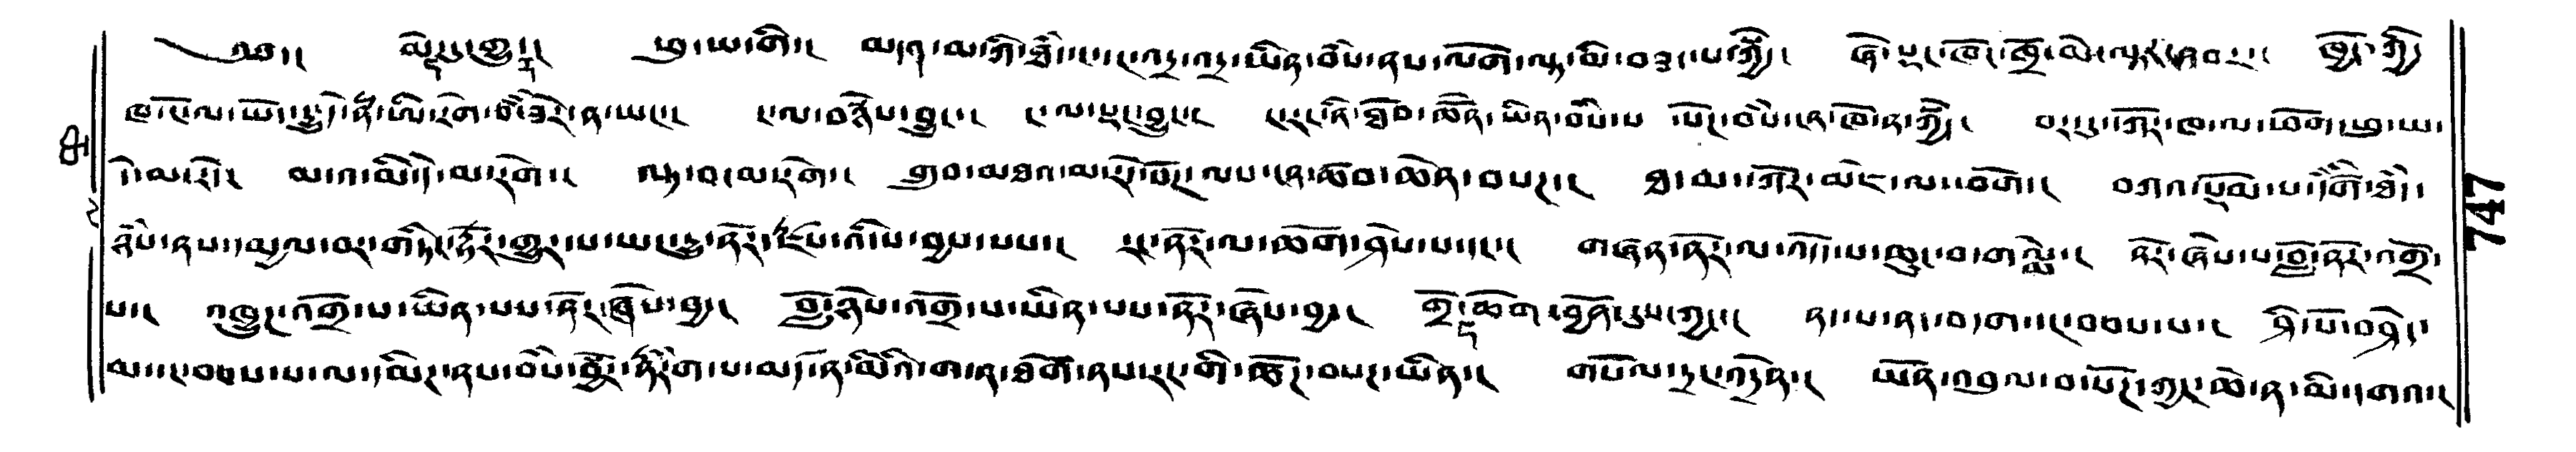མེད་དུ་གྱུར། ཕུ་ཡ་གི། མདའ་མ་ཀི་ཐམས་ཅད་ང་དང་འདྲ་འདྲ་ཡིན་བསམ་ནས་ལོག་ལྟ་མི་ཟད་པ་སྐྱེད། ཞེ་སྡང་ཁོང་ཁྲོ་མེ་ལྟར་འབར། ཁྱོད་ཀྱི་
ཁ་ངོ་ལ་ཡོད་རྒྱུ་དེ་རྣ་ཨི་རེད་ཙམ་ཟེར་ན་ཡང་། ང་ལ་བསྙད་བྱུང་། ང་ལ་སྡང་བྱུང་། ང་རང་ནི་ཐོབ་ཆེན་པོ་ཡིན་བསམ་པ་སོགས་བསམ་ངན་ཁོ་ན་སྐྱེད། བར་དུ་དཀོར་ཁ་ལ་ཕོག་ཕུ་ཡ་
དེ་མ་རེད། མདའ་མི་དེ་མ་རེད། ལྟ་བ་མ་རེད། གྲུབ་མཐའ་མ་རེད་སོགས་ལས་ངན་ཚབ་ཆེན་བསགས། ཐ་མ་དཀོར་མཇེ་ལ་ཕོག བཀའ་སྡོམ་པ་དམ་ཚིག་ཐམས་ཅད་
ཉམས་ནས་དམྱལ་བའི་གཏིང་རྡོར་གྱུར་པ་ཡང་རྒྱུ་ནོར་རྫས་འདིས་བྱས་པས། རང་ནོར་ལ་ཆོག་ཤེས་པ་དང་། གཞན་ནོར་ལ་འདོད་པ་ཆུང་བ་གལ་ཆེ། ནོར་ཞེས་པ་བློ་ནོར་འགྲོ་
པ། འཕྱུགས་འགྲོ་པ་ཡིན་པས་ནོར་ཞེས་བྱ། བློ་ཉེས་འགྲོ་པ་ཡིན་པས་ནོར་ཞེས་བྱ། གྲོང་ཆོག་བྱོན་དུས་ཀྱང་། ནད་པ་ནད་བདག་དང་བཅས་པ། ཤི་བོ་བཤེད་
མ་དང་བཅས་པ་ལ་དམིགས་ནས་བསམ་སྦྱོར་རྣམ་པར་དག་པ་མཛད་ན་མིའི་གདན་ཐོག་ནས་རང་གི་ཚོགས་བསགས་ཡིན། གསོལ་དྲང་འདྲེན། ཡོན་འབུལ་བ་སོགས་ཀྱང་ཆེ་ན་མི་དགའ།